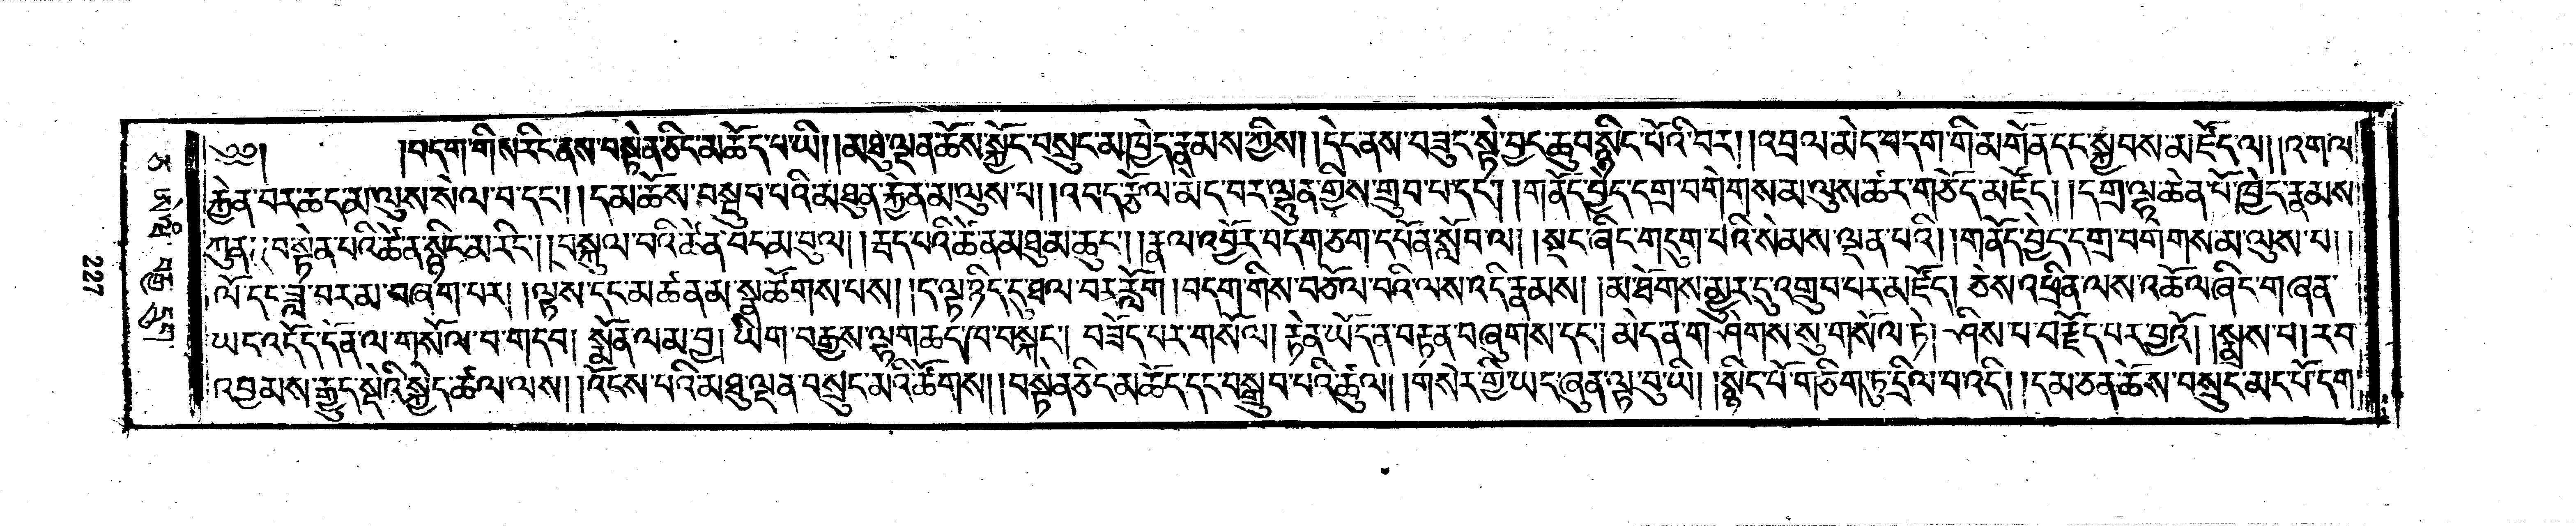༄༅། །བདག་གིས་རིང་ནས་བསྟེན་ཅིང་མཆོད་པ་ཡི། །མཐུ་ལྡན་ཆོས་སྐྱོང་བསྲུང་མ་ཁྱེད་རྣམས་ཀྱིས། །དེང་ནས་བཟུང་སྟེ་བྱང་ཆུབ་སྙིང་པོའི་བར། །འབྲལ་མེད་བདག་གི་མགོན་དང་སྐྱབས་མཛོད་ལ། །འགལ་
རྐྱེན་བར་ཆད་མ་ལུས་སེལ་བ་དང་། །དམ་ཆོས་བསྒྲུབ་པའི་མཐུན་རྐྱེན་མ་ལུས་པ། །འབད་རྩོལ་མེད་པར་ལྷུན་གྱིས་གྲུབ་པ་དང་། །གནོད་བྱེད་དགྲ་བགེགས་མ་ལུས་ཚར་གཅོད་མཛོད། །དགྲ་ལྷ་ཆེན་པོ་ཁྱེད་རྣམས་
ཀུན། །བསྟེན་པའི་ཚེ་ན་སྙིང་མ་རིང་། །བསྐུལ་བའི་ཚེ་ན་བང་མ་བུལ། །རྦད་པའི་ཚེ་ན་མཐུ་མ་ཆུང་། །རྣལ་འབྱོར་བདག་ཅག་དཔོན་སློབ་ལ། །སྡང་ཞིང་གདུག་པའི་སེམས་ལྡན་པའི། །གནོད་བྱེད་དགྲ་བགེགས་མ་ལུས་པ། །
ལོ་དང་ཟླ་བར་མ་བཞག་པར། །ལྟས་དང་མཚན་མ་སྣ་ཚོགས་པས། །ད་ལྟ་ཉིད་དུ་ཐལ་བར་རློག །བདག་གིས་བཅོལ་བའི་ལས་འདི་རྣམས། །མ་ཐོགས་མྱུར་དུ་འགྲུབ་པར་མཛོད། ཅེས་འཕྲིན་ལས་འཆོལ་ཞིང་གཞན་
ཡང་འདོད་དོན་ལ་གསོལ་བ་གདབ། སྨོན་ལམ་བྱ། ཡིག་བརྒྱས་ལྷག་ཆད་ཁ་བསྐང་། བཟོད་པར་གསོལ། རྟེན་ཡོད་ན་བརྟན་བཞུགས་དང་། མེད་ན་གཤེགས་སུ་གསོལ་ཏེ། ཤིས་པ་བརྗོད་པར་བྱའོ། །སྨྲས་པ། རབ་
འབྱམས་རྒྱུད་སྡེའི་སྐྱེད་ཚལ་ལས། །འོངས་པའི་མཐུ་ལྡན་བསྲུང་མའི་ཚོགས། །བསྟེན་ཅིང་མཆོད་དང་བསྒྲུབ་པའི་ཚུལ། །གསེར་གྱི་ཡང་ཞུན་ལྟ་བུ་ཡི། །སྙིང་པོ་གཅིག་ཏུ་དྲིལ་བ་འདི། །དམ་ཅན་ཆོས་བསྲུང་མང་པོ་དག །